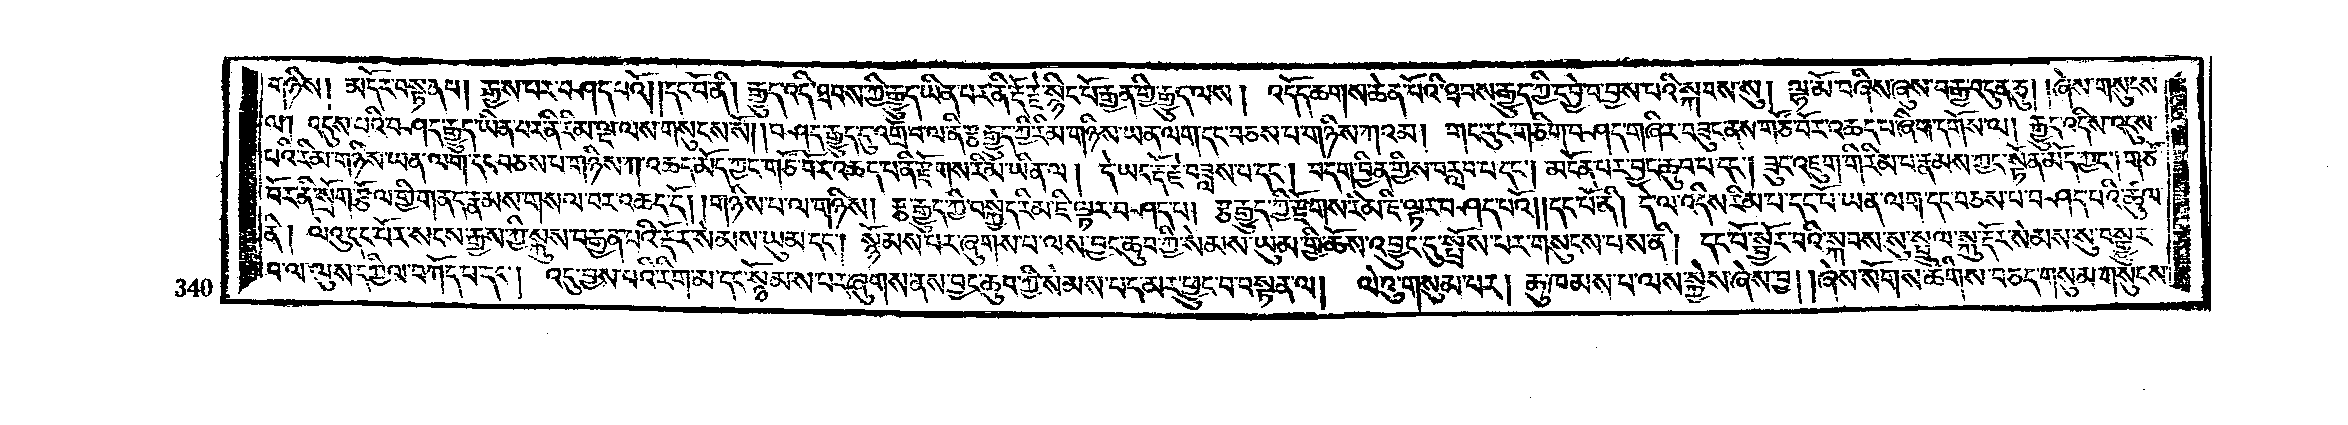གཉིས། མདོར་བསྟན་པ། རྒྱས་པར་བཤད་པའོ། །དང་པོ་ནི། རྒྱུད་འདི་ཐབས་ཀྱི་རྒྱུད་ཡིན་པར་ནི་རྡོ་རྗེ་སྙིང་པོ་རྒྱན་གྱི་རྒྱུད་ལས། འདོད་ཆགས་ཆེན་པོའི་ཐབས་རྒྱུད་ཀྱི་དབྱེ་བ་བྱས་པའི་སྐབས་སུ། ལྷ་མོ་བཞིས་ཞུས་བརྒྱ་བདུན་ཅུ། །ཞེས་གསུངས་
ལ། འདུས་པའི་བཤད་རྒྱུད་ཡིན་པར་ནི་རིམ་ལྔ་ལས་གསུངས་སོ། །བཤད་རྒྱུད་དུ་འགྲོ་བ་ལ་ནི་རྩ་རྒྱུད་ཀྱི་རིམ་གཉིས་ཡན་ལག་དང་བཅས་པ་གཉིས་ཀའམ། གང་རུང་གཅིག་བཤད་གཞིར་བཟུང་ནས་གཙོ་བོར་འཆད་པ་ཞིག་དགོས་ལ། རྒྱུད་འདིས་འདུས་
པའི་རིམ་གཉིས་ཡན་ལག་དང་བཅས་པ་གཉིས་ཀ་འཆད་མོད་ཀྱང་གཙོ་བོར་འཆད་པ་ནི་རྫོགས་རིམ་ཡིན་ལ། དེ་ཡང་རྡོ་རྗེ་བཟླས་པ་དང་། བདག་བྱིན་གྱིས་བརླབ་པ་དང་། མངོན་པར་བྱང་ཆུབ་པ་དང་། ཟུང་འཇུག་གི་རིམ་པ་རྣམས་ཀྱང་སྟོན་མོད་ཀྱང་། གཙོ་
བོར་ནི་སྲོག་རྩོལ་གྱི་གནད་རྣམས་གསལ་བར་འཆད་དོ། །གཉིས་པ་ལ་གཉིས། རྩ་རྒྱུད་ཀྱི་བསྐྱེད་རིམ་ཇི་ལྟར་བཤད་པ། རྩ་རྒྱུད་ཀྱི་རྫོགས་རིམ་ཇི་ལྟར་བཤད་པའོ། །དང་པོ་ནི། དེ་ལ་འདིས་རིམ་པ་དང་པོ་ཡན་ལག་དང་བཅས་པ་བཤད་པའི་ཚུལ་
ནི། ལེའུ་དང་པོར་སངས་རྒྱས་ཀྱི་སྐུས་བརྒྱན་པའི་རྡོར་སེམས་ཡུམ་དང་། སྙོམས་པར་ཞུགས་པ་ལས་བྱང་ཆུབ་ཀྱི་སེམས་ཡུམ་གྱི་ཆོས་འབྱུང་དུ་སྤྲོས་པར་གསུངས་པས་ནི། དང་པོ་སྦྱོར་བའི་སྐབས་སུ་སྤྲུལ་སྐུ་རྡོར་སེམས་སུ་བསྒྱུར་
བ་ལ་ལུས་དཀྱིལ་བཀོད་པ་དང་། འདུ་བྱས་པའི་རིག་མ་དང་སྙོམས་པར་ཞུགས་ནས་བྱང་ཆུབ་ཀྱི་སེམས་པད་མར་ཕྱུང་བ་བསྟན་ལ། ལེའུ་གསུམ་པར། ཆུ་ཁམས་པ་ལས་སྐྱེས་ཞེས་བྱ། །ཞེས་སོགས་ཚིགས་བཅད་གསུམ་གསུངས་